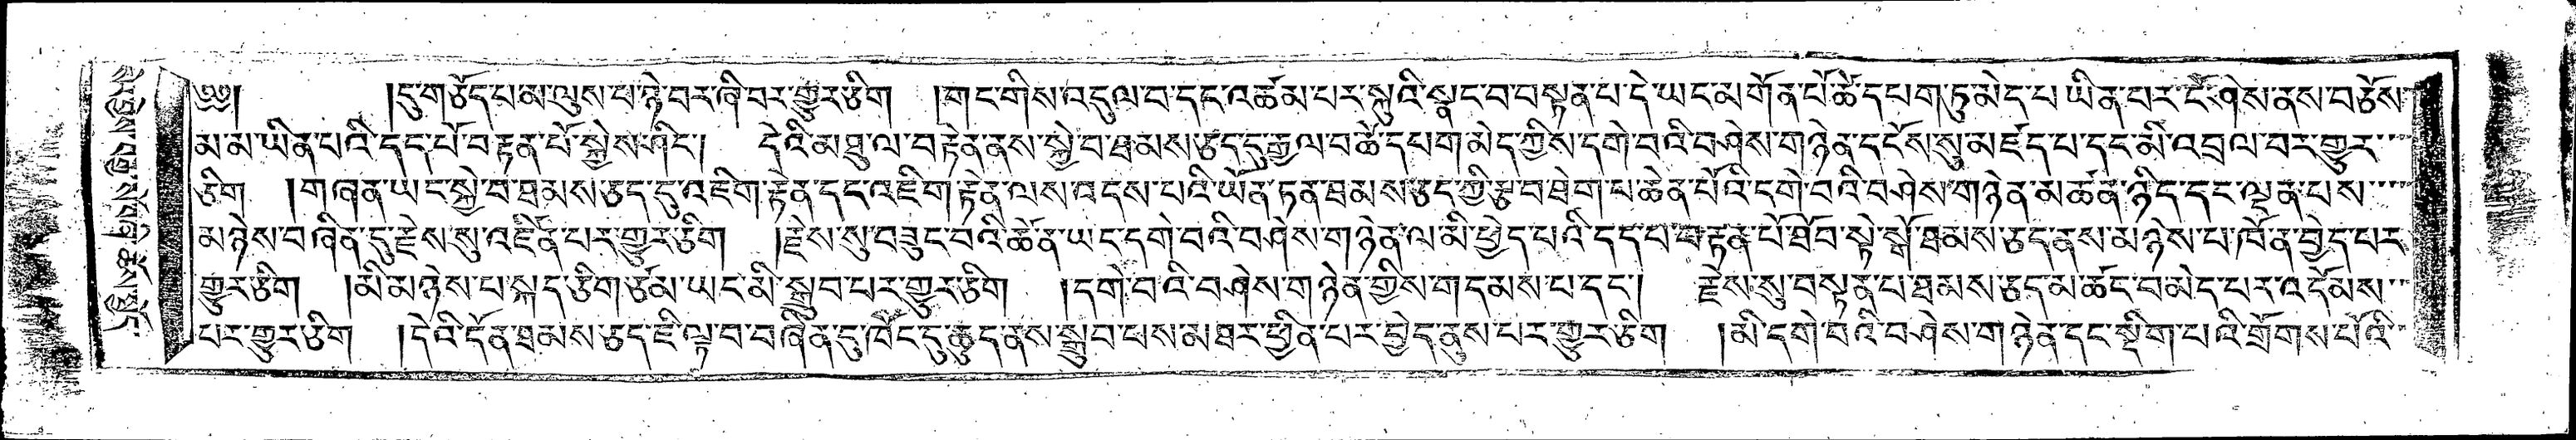༄༅། །དུ་གཅོད་པ་མ་ལུས་པ་ཉེ་བར་ཞི་བར་གྱུར་ཅིག །གང་གིས་འདུལ་བ་དང་འཚམ་པར་སྐུའི་སྣང་བ་བསྟན་པ་དེ་ཡང་མགོན་པོ་ཚེ་དཔག་ཏུ་མེད་པ་ཡིན་པར་ངོ་ཤེས་ནས་བཅོས་
མ་མ་ཡིན་པའི་དད་པོ་བརྟན་པོ་སྐྱེས་ཤིང་། དེའི་མཐུ་ལ་བརྟེན་ནས་སྐྱེ་བ་ཐམས་ཅད་དུ་རྒྱལ་བ་ཚེ་དཔག་མེད་ཀྱིས་དགེ་བའི་བཤེས་གཉེན་དངོས་སུ་མཛད་པ་དང་མི་འབྲལ་བར་གྱུར་
ཅིག །གཞན་ཡང་སྐྱེ་བ་ཐམས་ཅད་དུ་འཇིག་རྟེན་དང་འཇིག་རྟེན་ལས་འདས་པའི་ཡོན་ཏན་ཐམས་ཅད་ཀྱི་རྩ་བ་ཐེག་པ་ཆེན་པོའི་དགེ་བའི་བཤེས་གཉེན་མཚན་ཉིད་དང་ལྡན་པས་
མཉེས་བཞིན་དུ་རྗེས་སུ་འཛིན་པར་གྱུར་ཅིག །རྗེས་སུ་བཟུང་བའི་ཚེ་ན་ཡང་དགེ་བའི་བཤེས་གཉེན་ལ་མི་ཕྱེད་པའི་དད་པ་བརྟེན་པོ་ཐོབ་སྟེ་སྒོ་ཐམས་ཅད་ནས་མཉེས་པ་ཁོ་ན་བྱེད་པར་
གྱུར་ཅིག །མི་མཉེས་པ་སྐད་ཅིག་ཙམ་ཡང་མི་སྒྲུབ་པར་གྱུར་ཅིག །དགེ་བའི་བཤེས་གཉེན་གྱིས་གདམས་པ་དང་། རྗེས་སུ་བསྟན་པ་ཐམས་ཅད་མ་ཚང་བ་མེད་པར་འདོམས་
པར་གྱུར་ཅིག །དེའི་དོན་ཐམས་ཅད་ཇི་ལྟ་བ་བཞིན་དུ་ཁོང་དུ་ཆུད་ནས་སྒྲུབ་པས་མཐར་ཕྱིན་པར་བྱེད་ནུས་པར་གྱུར་ཅིག །མི་དགེ་བའི་བཤེས་གཉེན་དང་སྡིག་པའི་གྲོགས་པོའི་